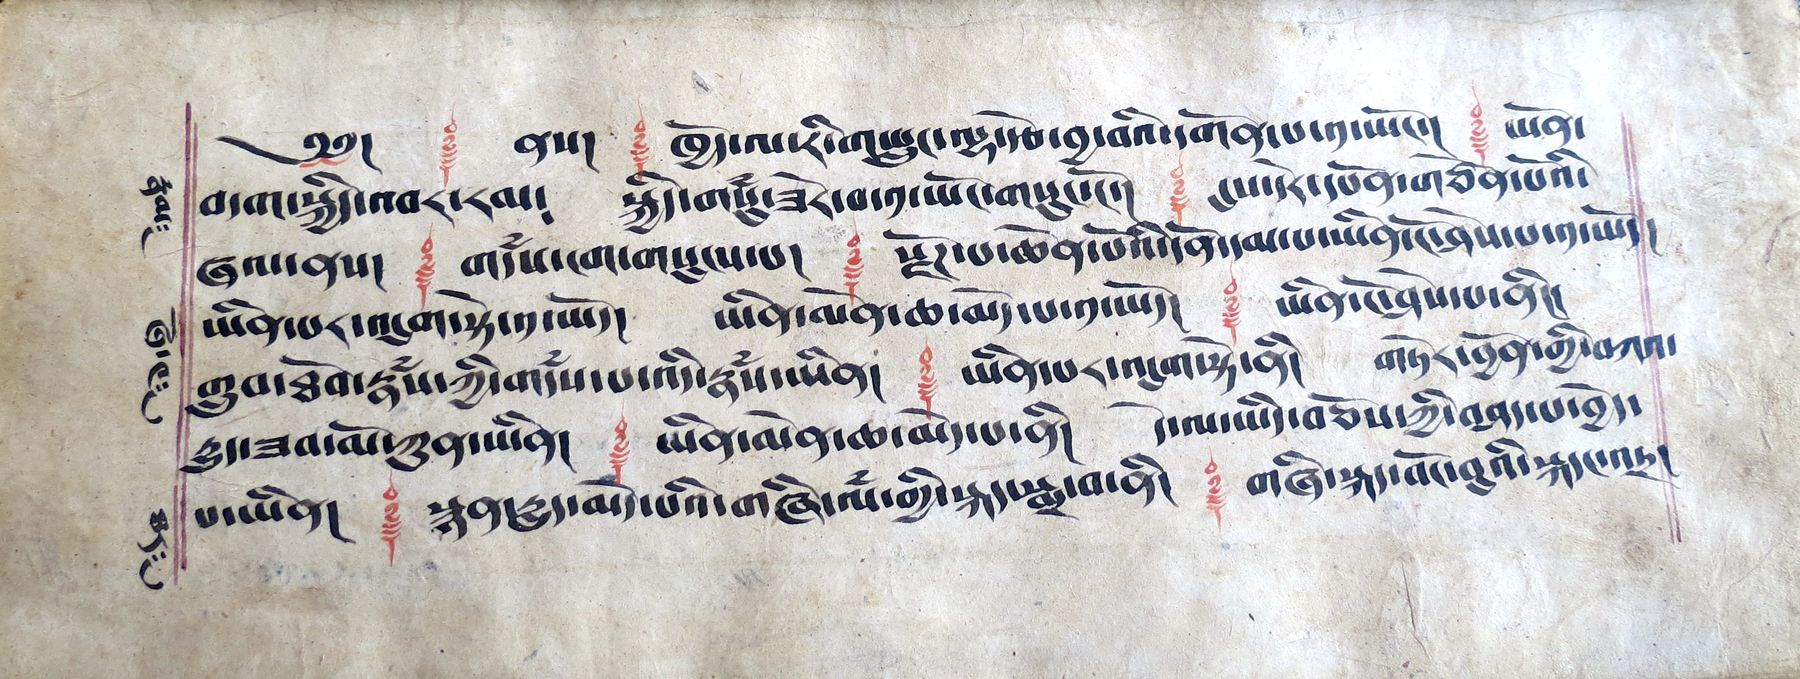ནས། ཁྱོད་ལ་རི་གཡུང་དྲུང་ལྷ་རྩེ་བྱ་བའི་དགོན་པ་ཞིག་ཡོང་ངོ་། ཡོན་
བདག་སྐྱིད་འབར་རམ། སྐྱིད་གསུམ་ཟེར་བ་ཞིག་ཡོང་གསུངས་སོ། ། དུས་དེར་དཔོན་བཙན་པོའི་
ཞལ་ནས་གདམས་ངག་གསུངས་པ། རྫོགས་པ་ཆེན་པོའི་དོན་དམ་པ་ཡིན་ངོ་ཤེས་པ་གཅིག་ཡོད། 
ཡིན་པར་འདུག་སྟེ་གཅིག་ཡོད། ཡིན་མིན་ཆ་མེད་པ་གཅིག་ཡོད། ཡིན་ངོ་ཤེས་པ་ནི་
གྲུབ་ཐོབ་རྣམས་ཀྱིས་གདམས་པ་འདི་རྣམས་ཡིན། ཡིན་པར་འདུག་སྟེ་ནི་གཏེར་བྱོན་གྱི་བཀའ་
རྒྱུད་ཟབ་མོ་ཀུན་ཡིན། ཡིན་མིན་ཆ་མེད་པ་ནི། དེ་ལ་ཡིད་བཅོས་ཀྱིས་བཤད་པ་བྱེད་
པ་ཡིན། སྙན་རྒྱུད་མེད་པར་གཞི་ལམ་གྱི་སྐད་སྨྲ་བ་ནི། གཞི་སྐད་བོང་བུའི་སྐད་དང་འདྲ།